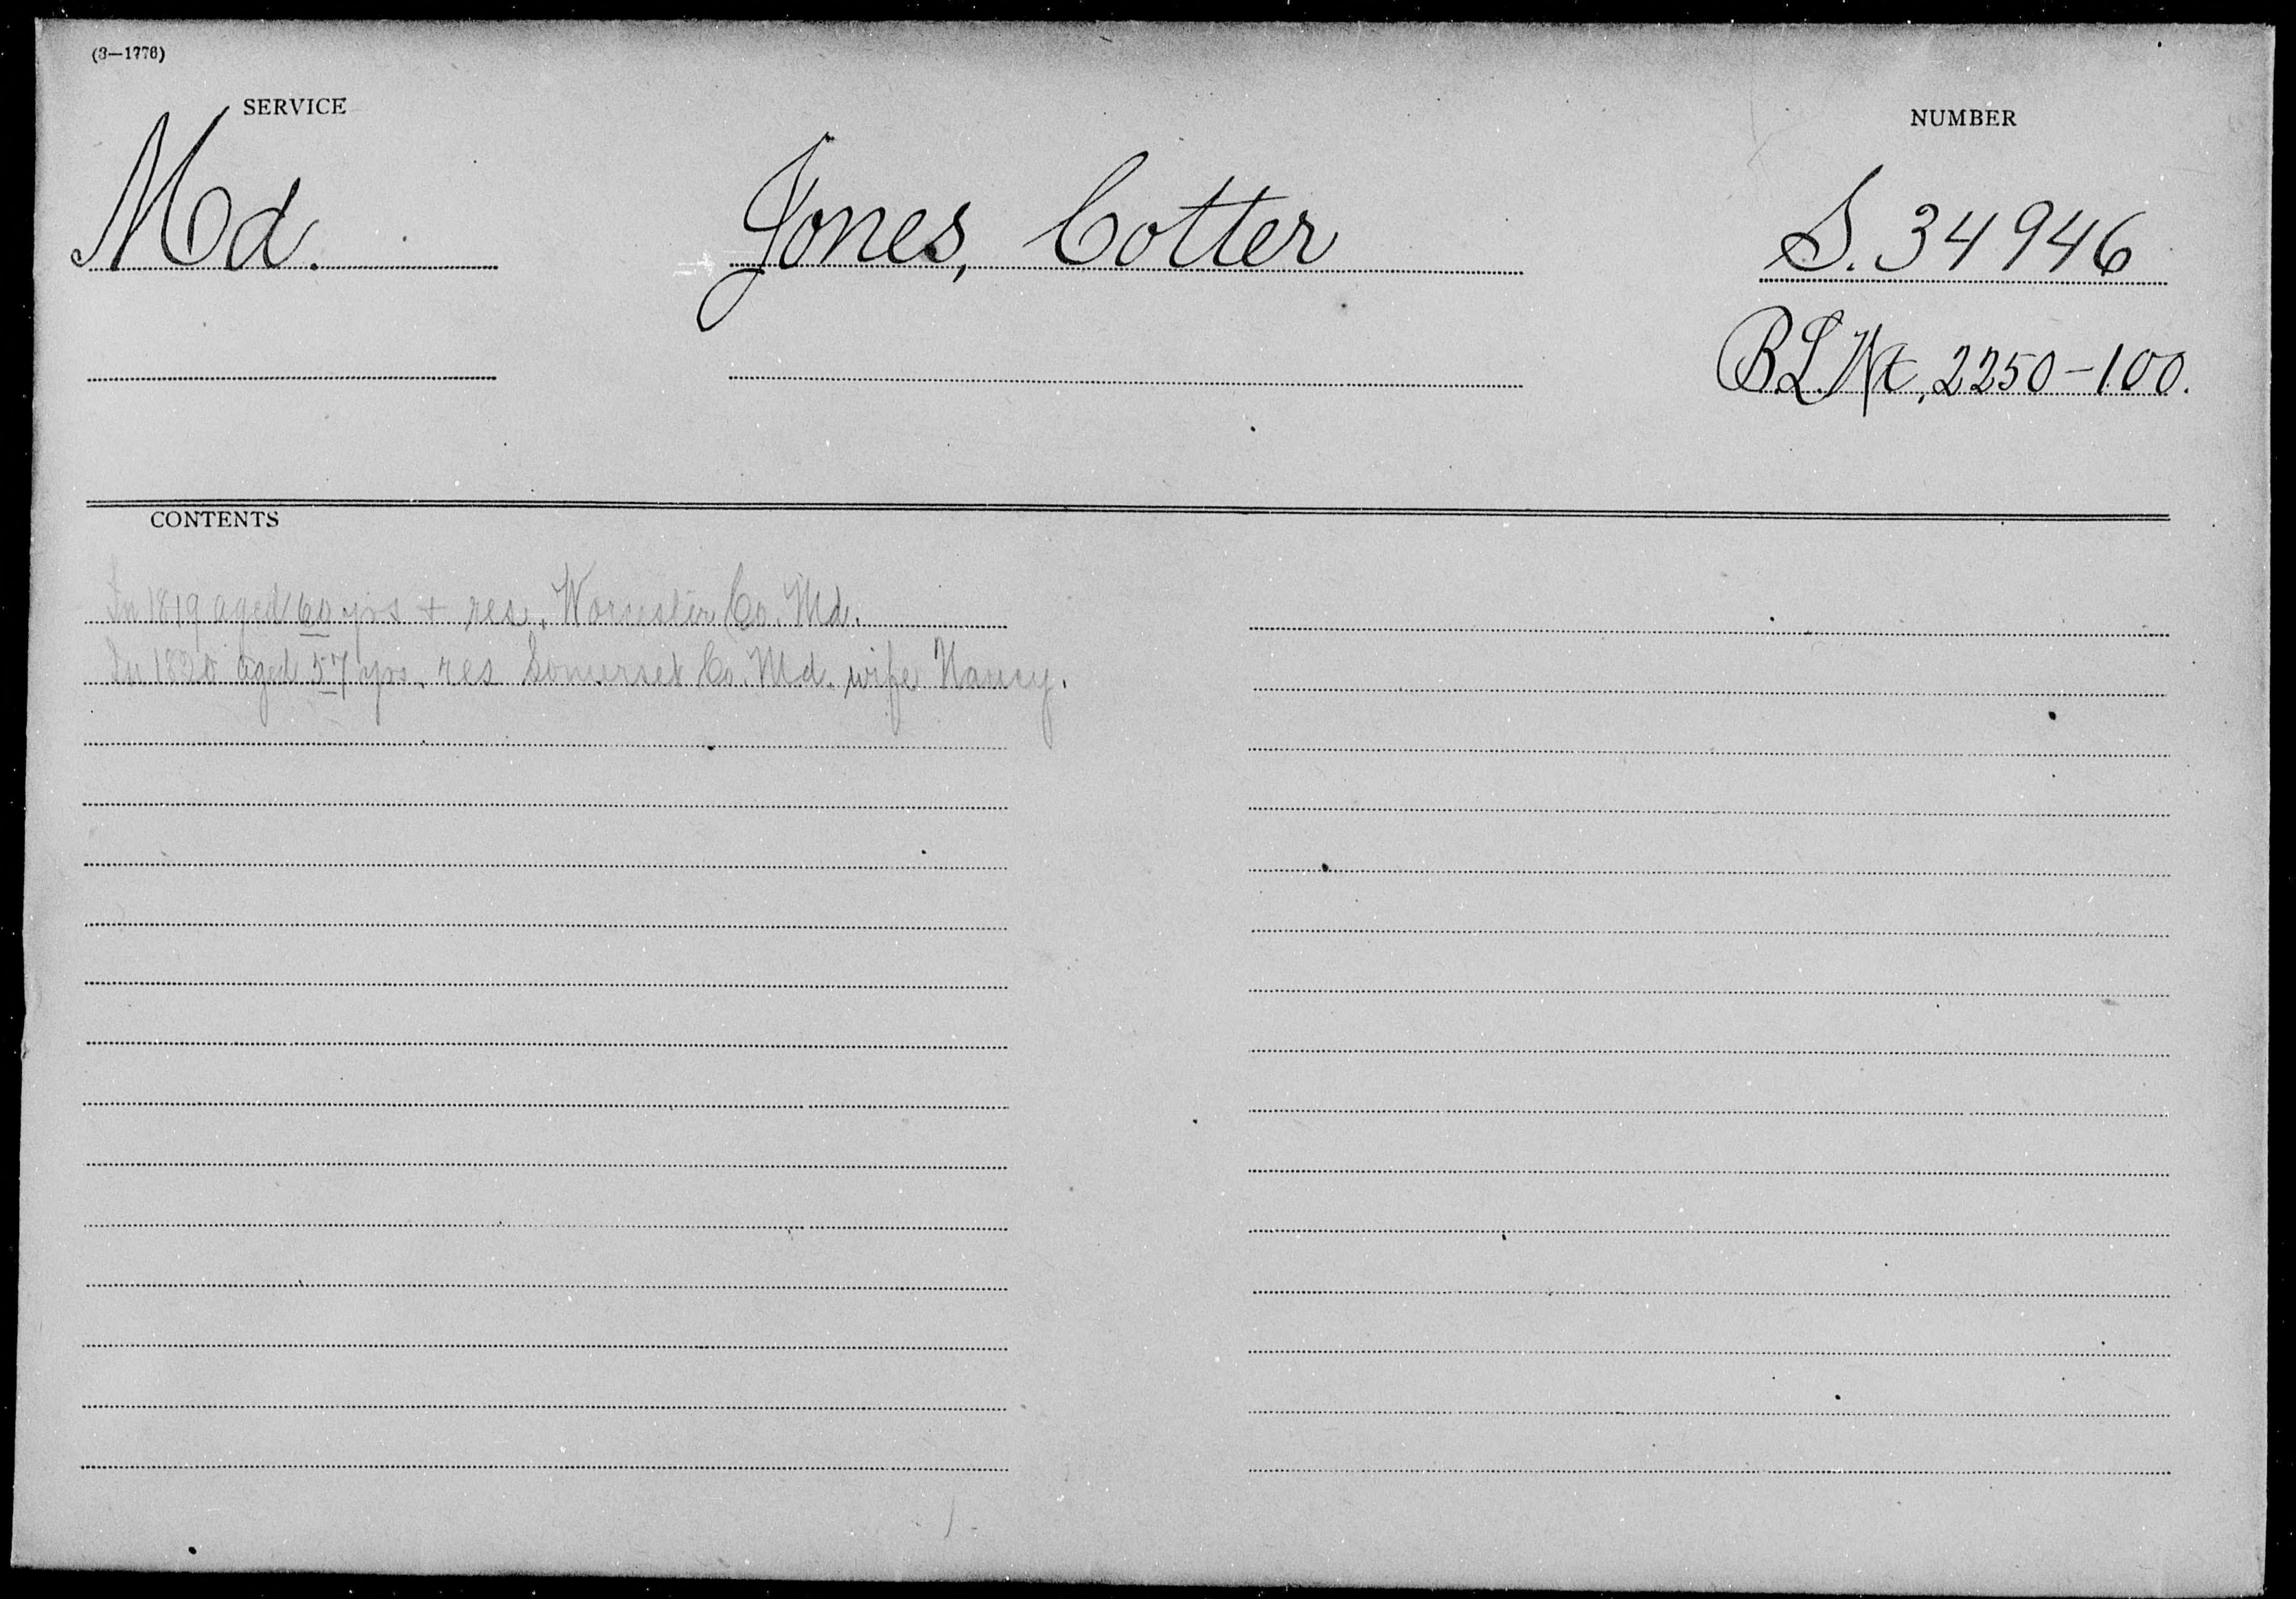Service
MD

Name
Jones, Cotter

Number
S.34946
B.L.Wt. 2250-100

Contents
In 1819 aged 60 yrs & res. Worcester Co, MD
in 1820 aged aged 57 yrs res Somerset Co Md Wife Nancy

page: 1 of 15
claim: survivor's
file: S. 34946, for Cotter Jones, Maryland